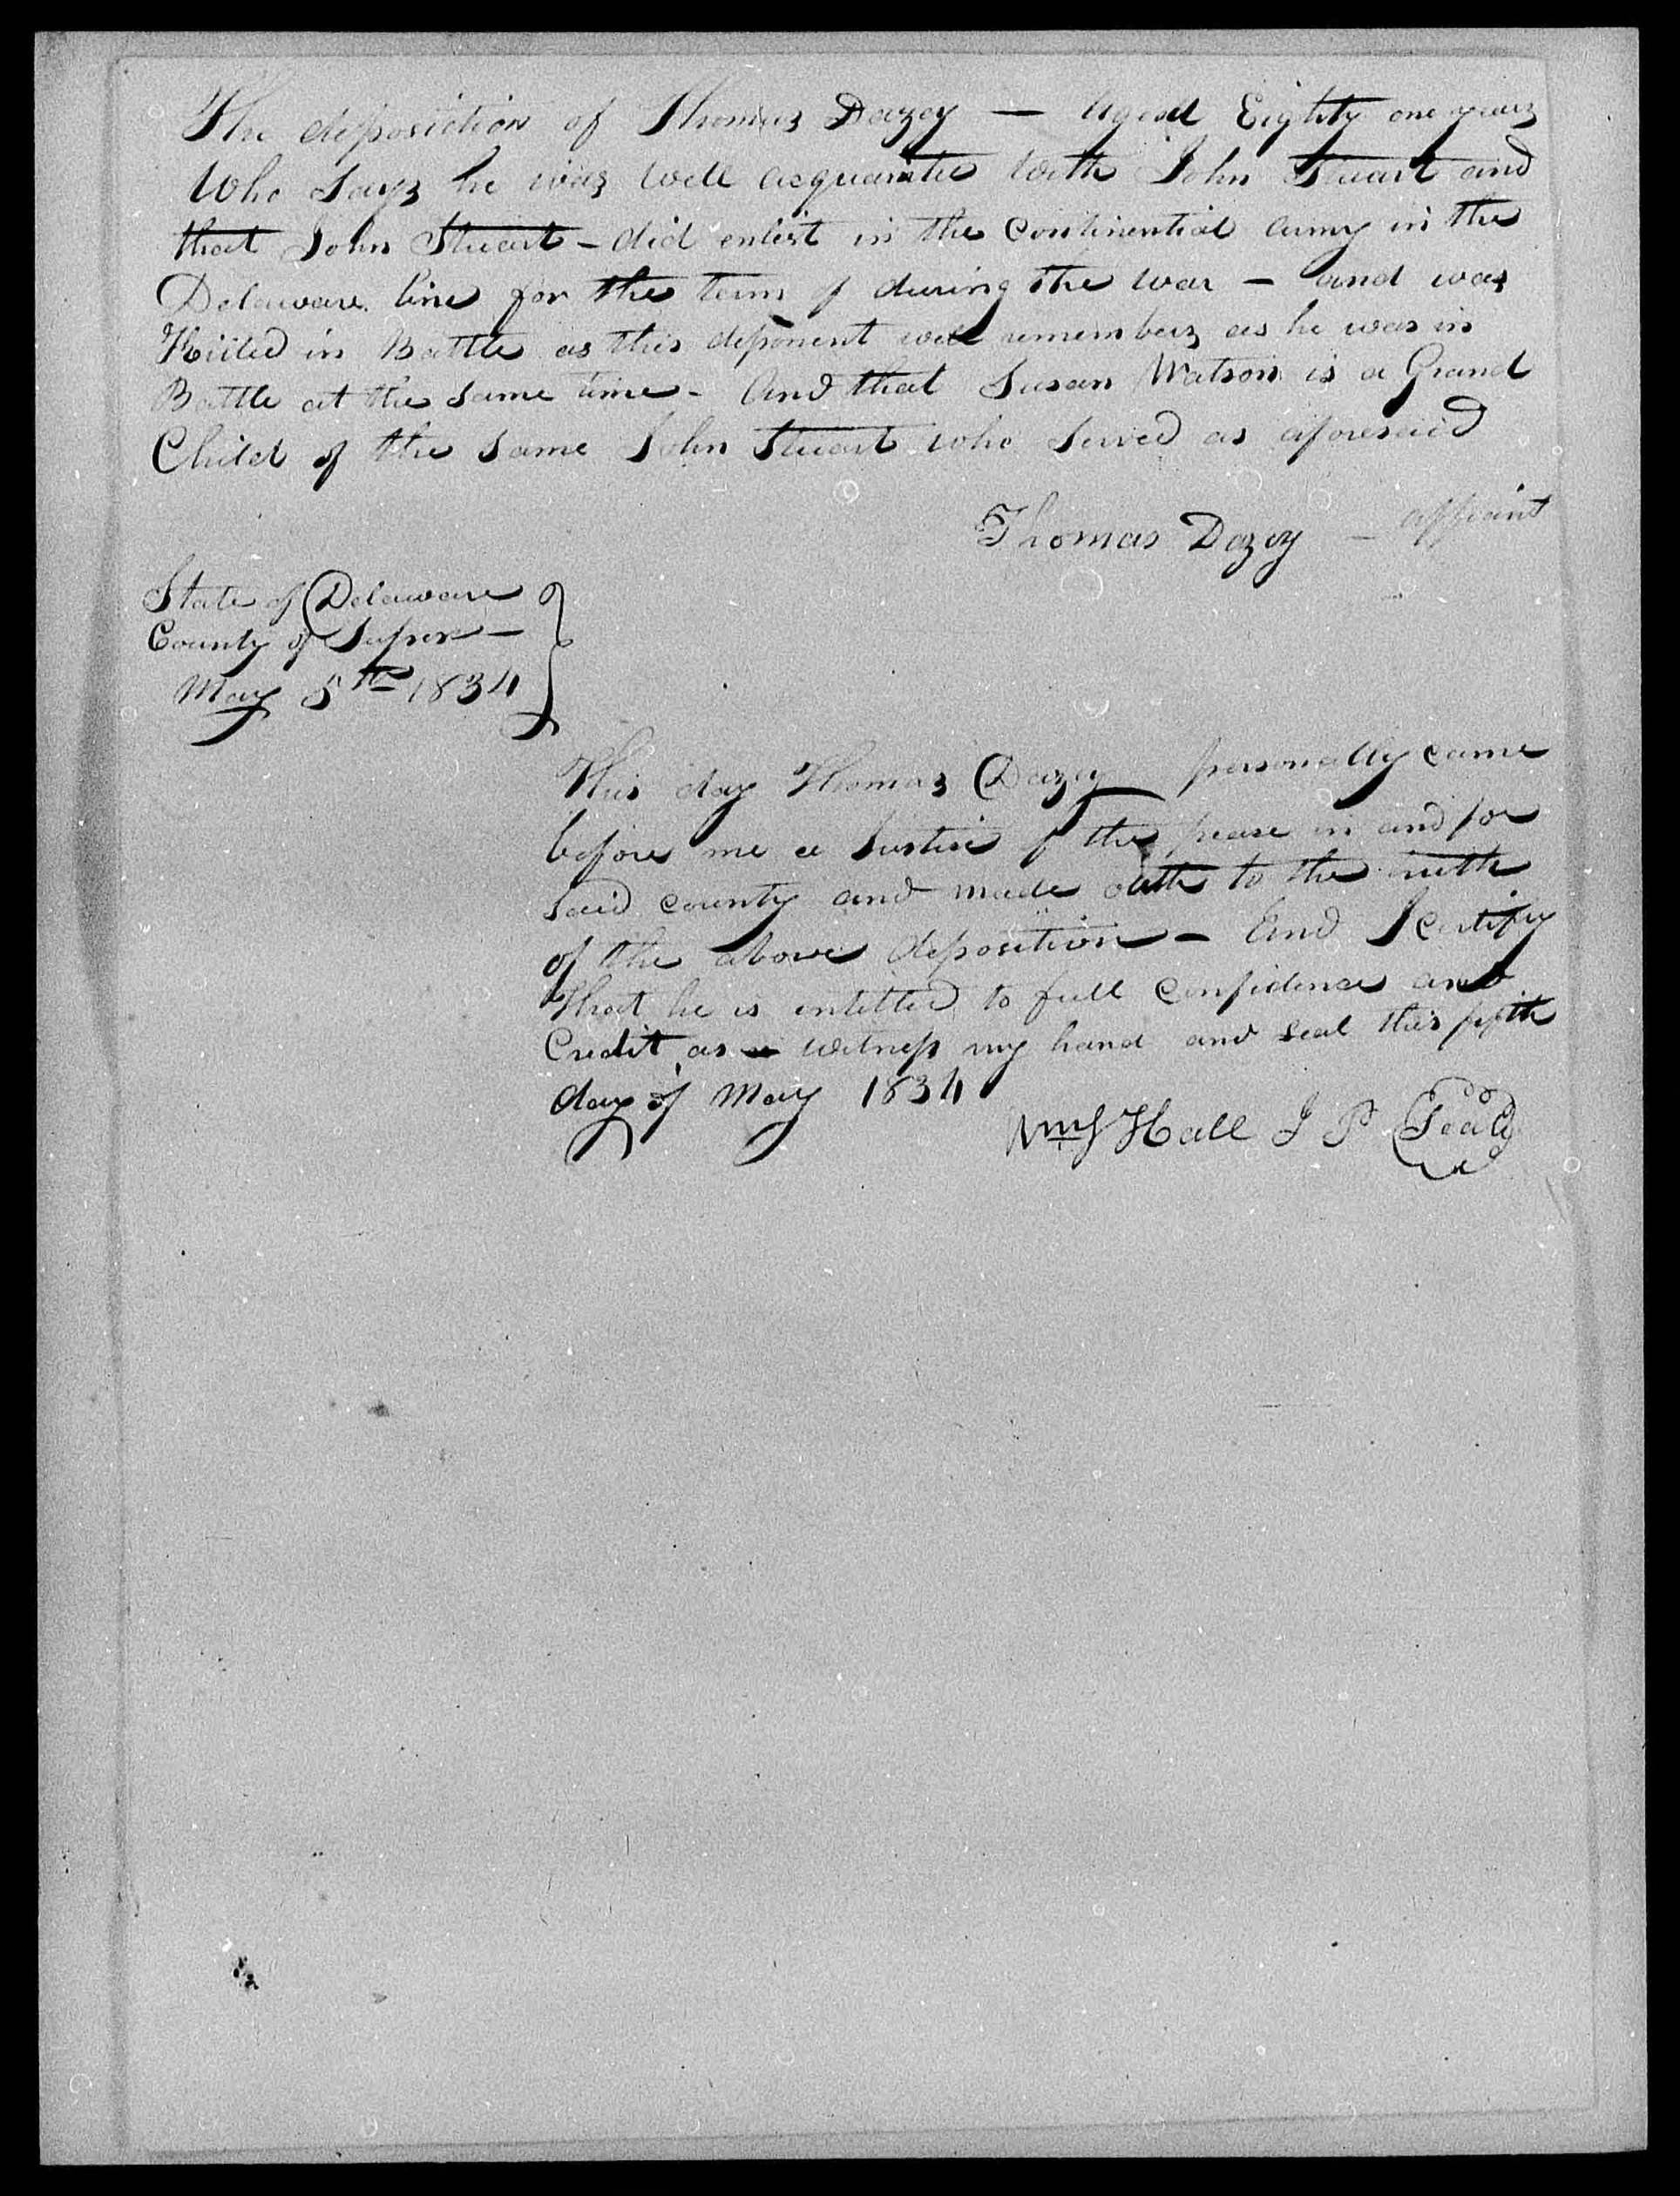The deposition of Thomas Dazey -- aged Eighty one years who says he was well acquainted with John Stuart and that John Stuart - did enlist in the Continental army in the Delaware line for the term of during the war - and was Killed in Battle as this deponent well remembers as he was in Battle at the same time - And that Susan Watson is a Grand Child of the same John Stuart who served as aforesaid

Thomas Dazey - affiant

State of Delaware of
County of Sussex
May 5th 1834

This day Thomas Dazey personally came before me a Justice of the peace in and for said County and made oath to the truth of the above deposition - and I certify That he is entitled to full confidence and credit as witness my hand and seal this fifth day of May 1834

Wm S Hall J P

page: 7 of 9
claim: bounty land warrant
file: B. L. Wt. 2081-100, for John Stuart, Delaware